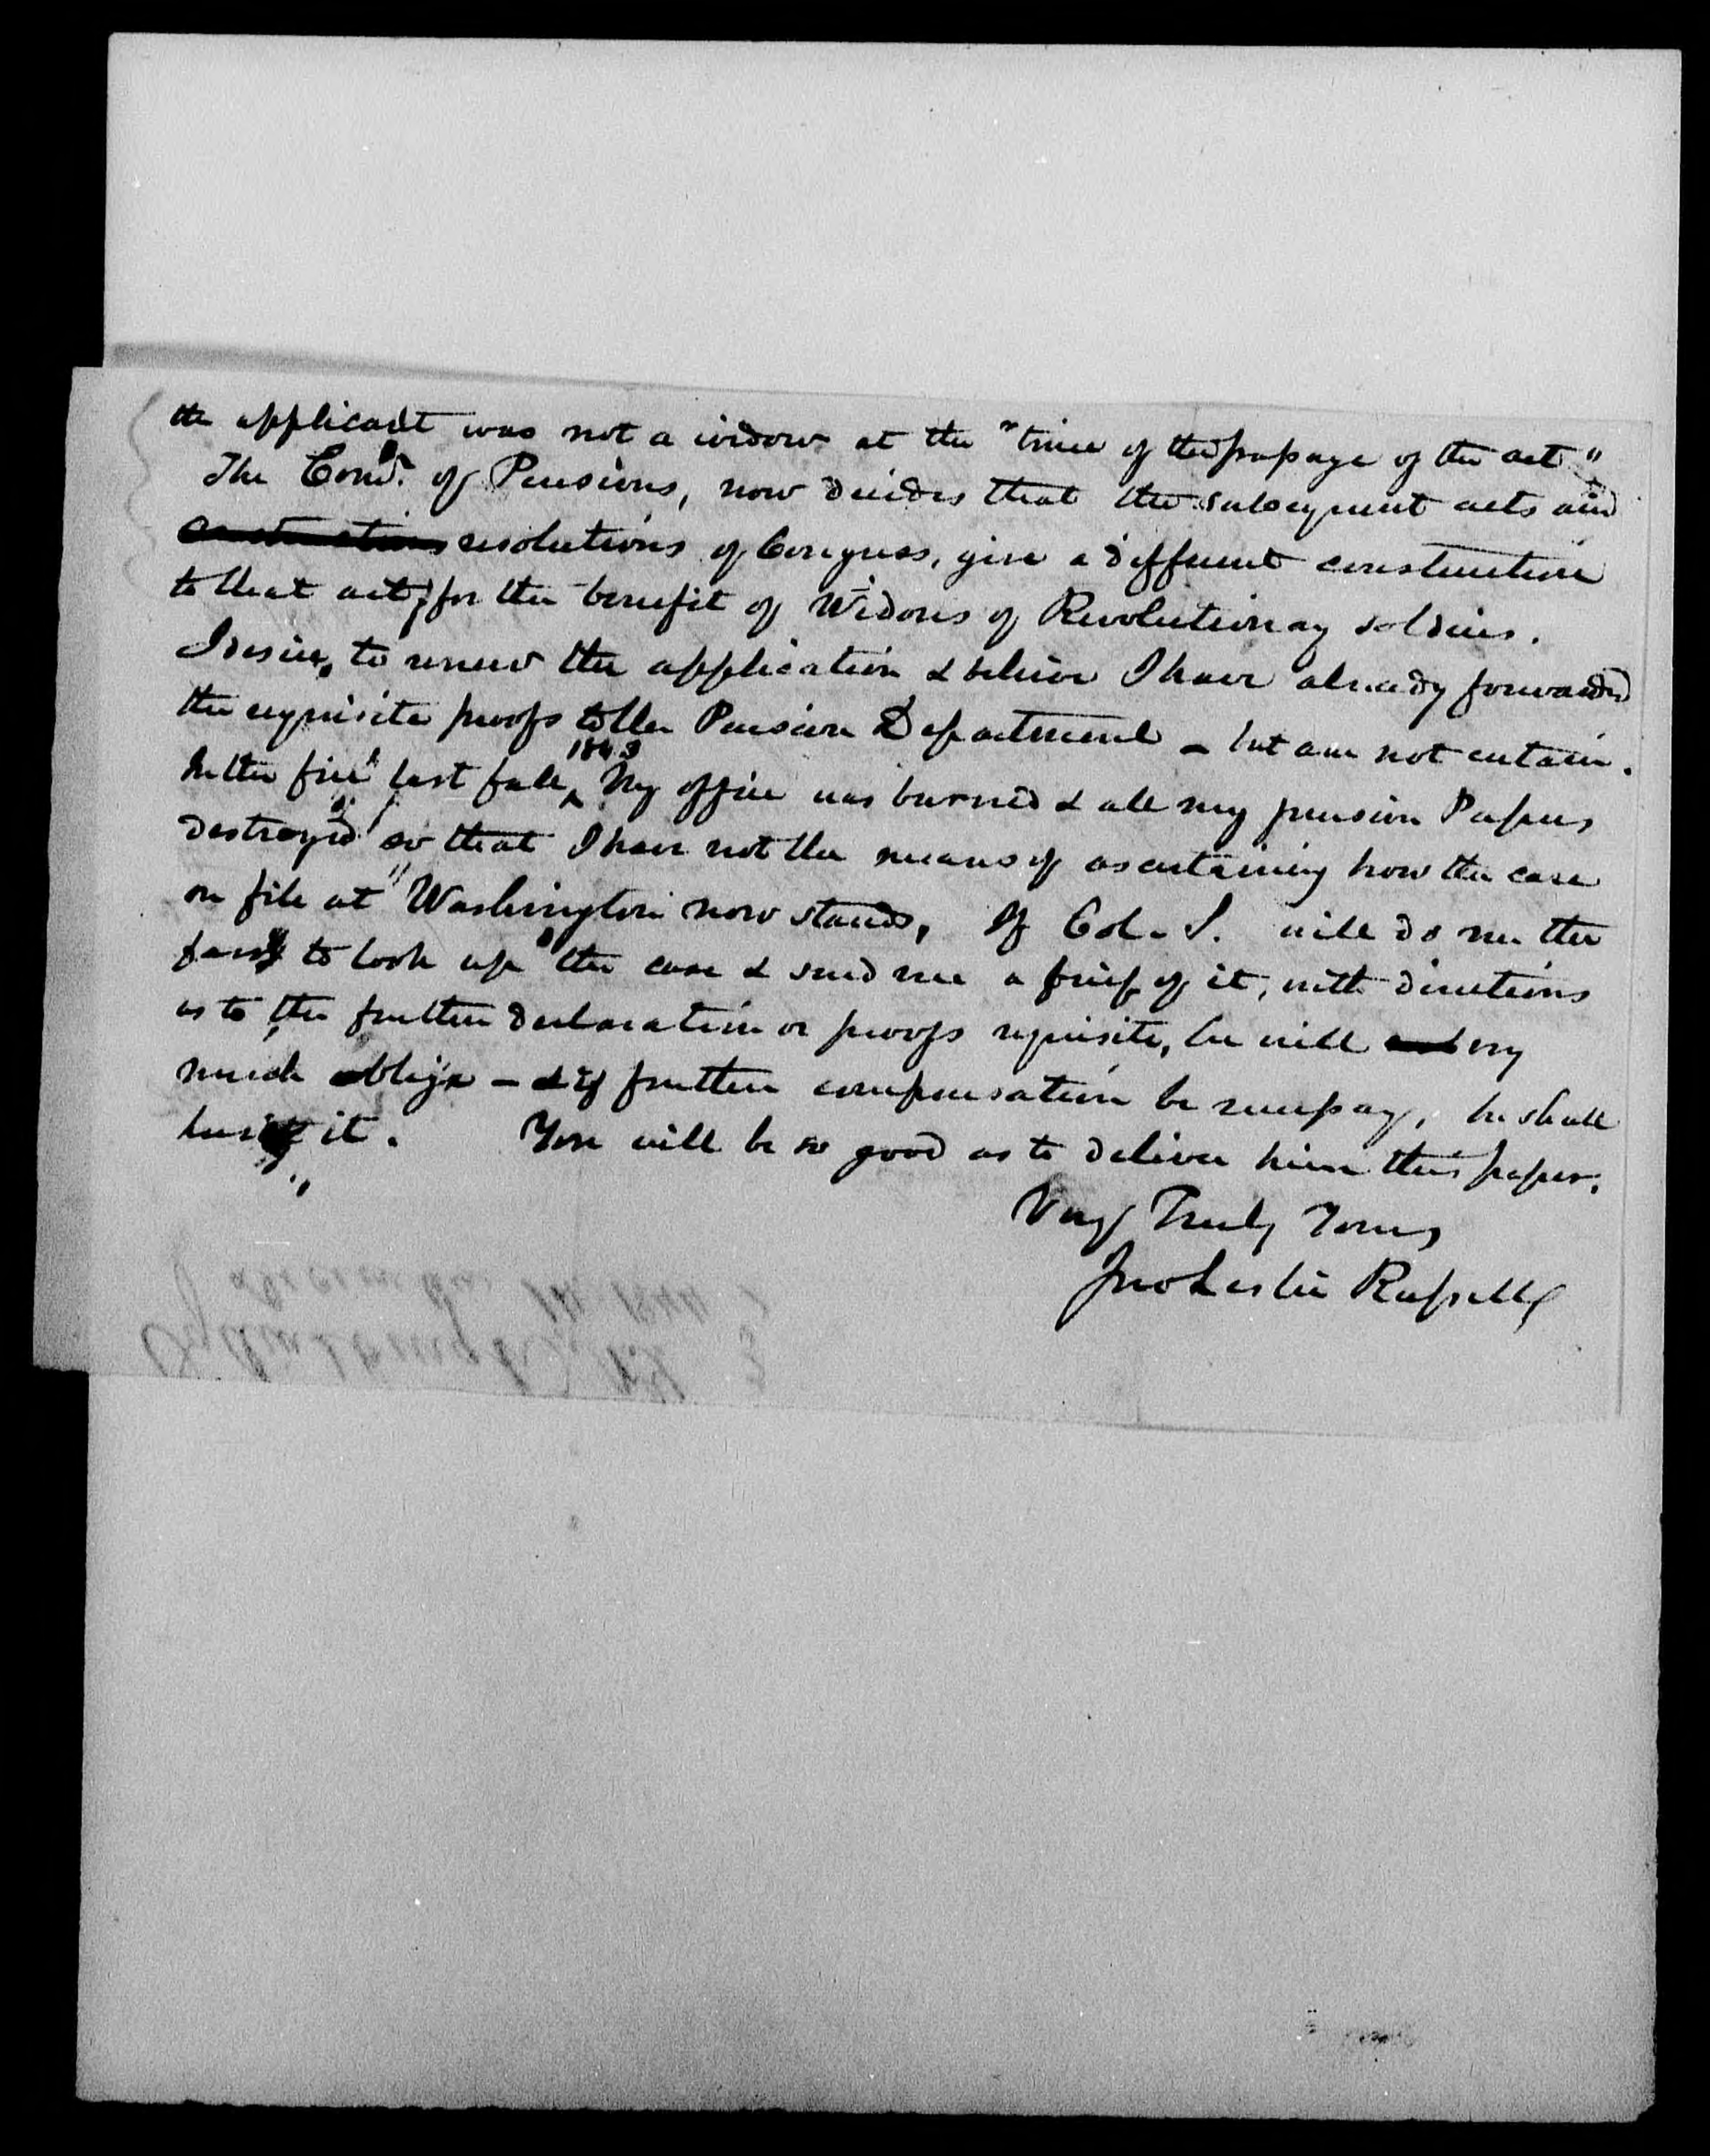the applicant was not a widow at the "time of the passage of the Act" The Com. of Pensions, now decides that the subsequent acts and resolutions of Congress, give a different constitution to that act for the benefit of widows of Revolutionary soldiers. I desire to renew the application & believe I have already forwarded the exquisite proofs to the Pension Department, but am not certain. (illegible) first last fall 1843 my office was burned & all my pension papers destroyed so that I have no the means of ascertaining how the case on file at Washington now stands, of Col. I will do matter (illegible) to look up the case & send me a brief of it, with directions as to the further declaration or proofs requisite be will my much oblige- if further compensation be necessary, he should have it. You will be so good as to deliver him this paper.
Very Truly Yours
Jno Leslie Russell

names: Jno Leslie Russell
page: 45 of 79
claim: widow's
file: W. 23754, Justus Byington, Conn.